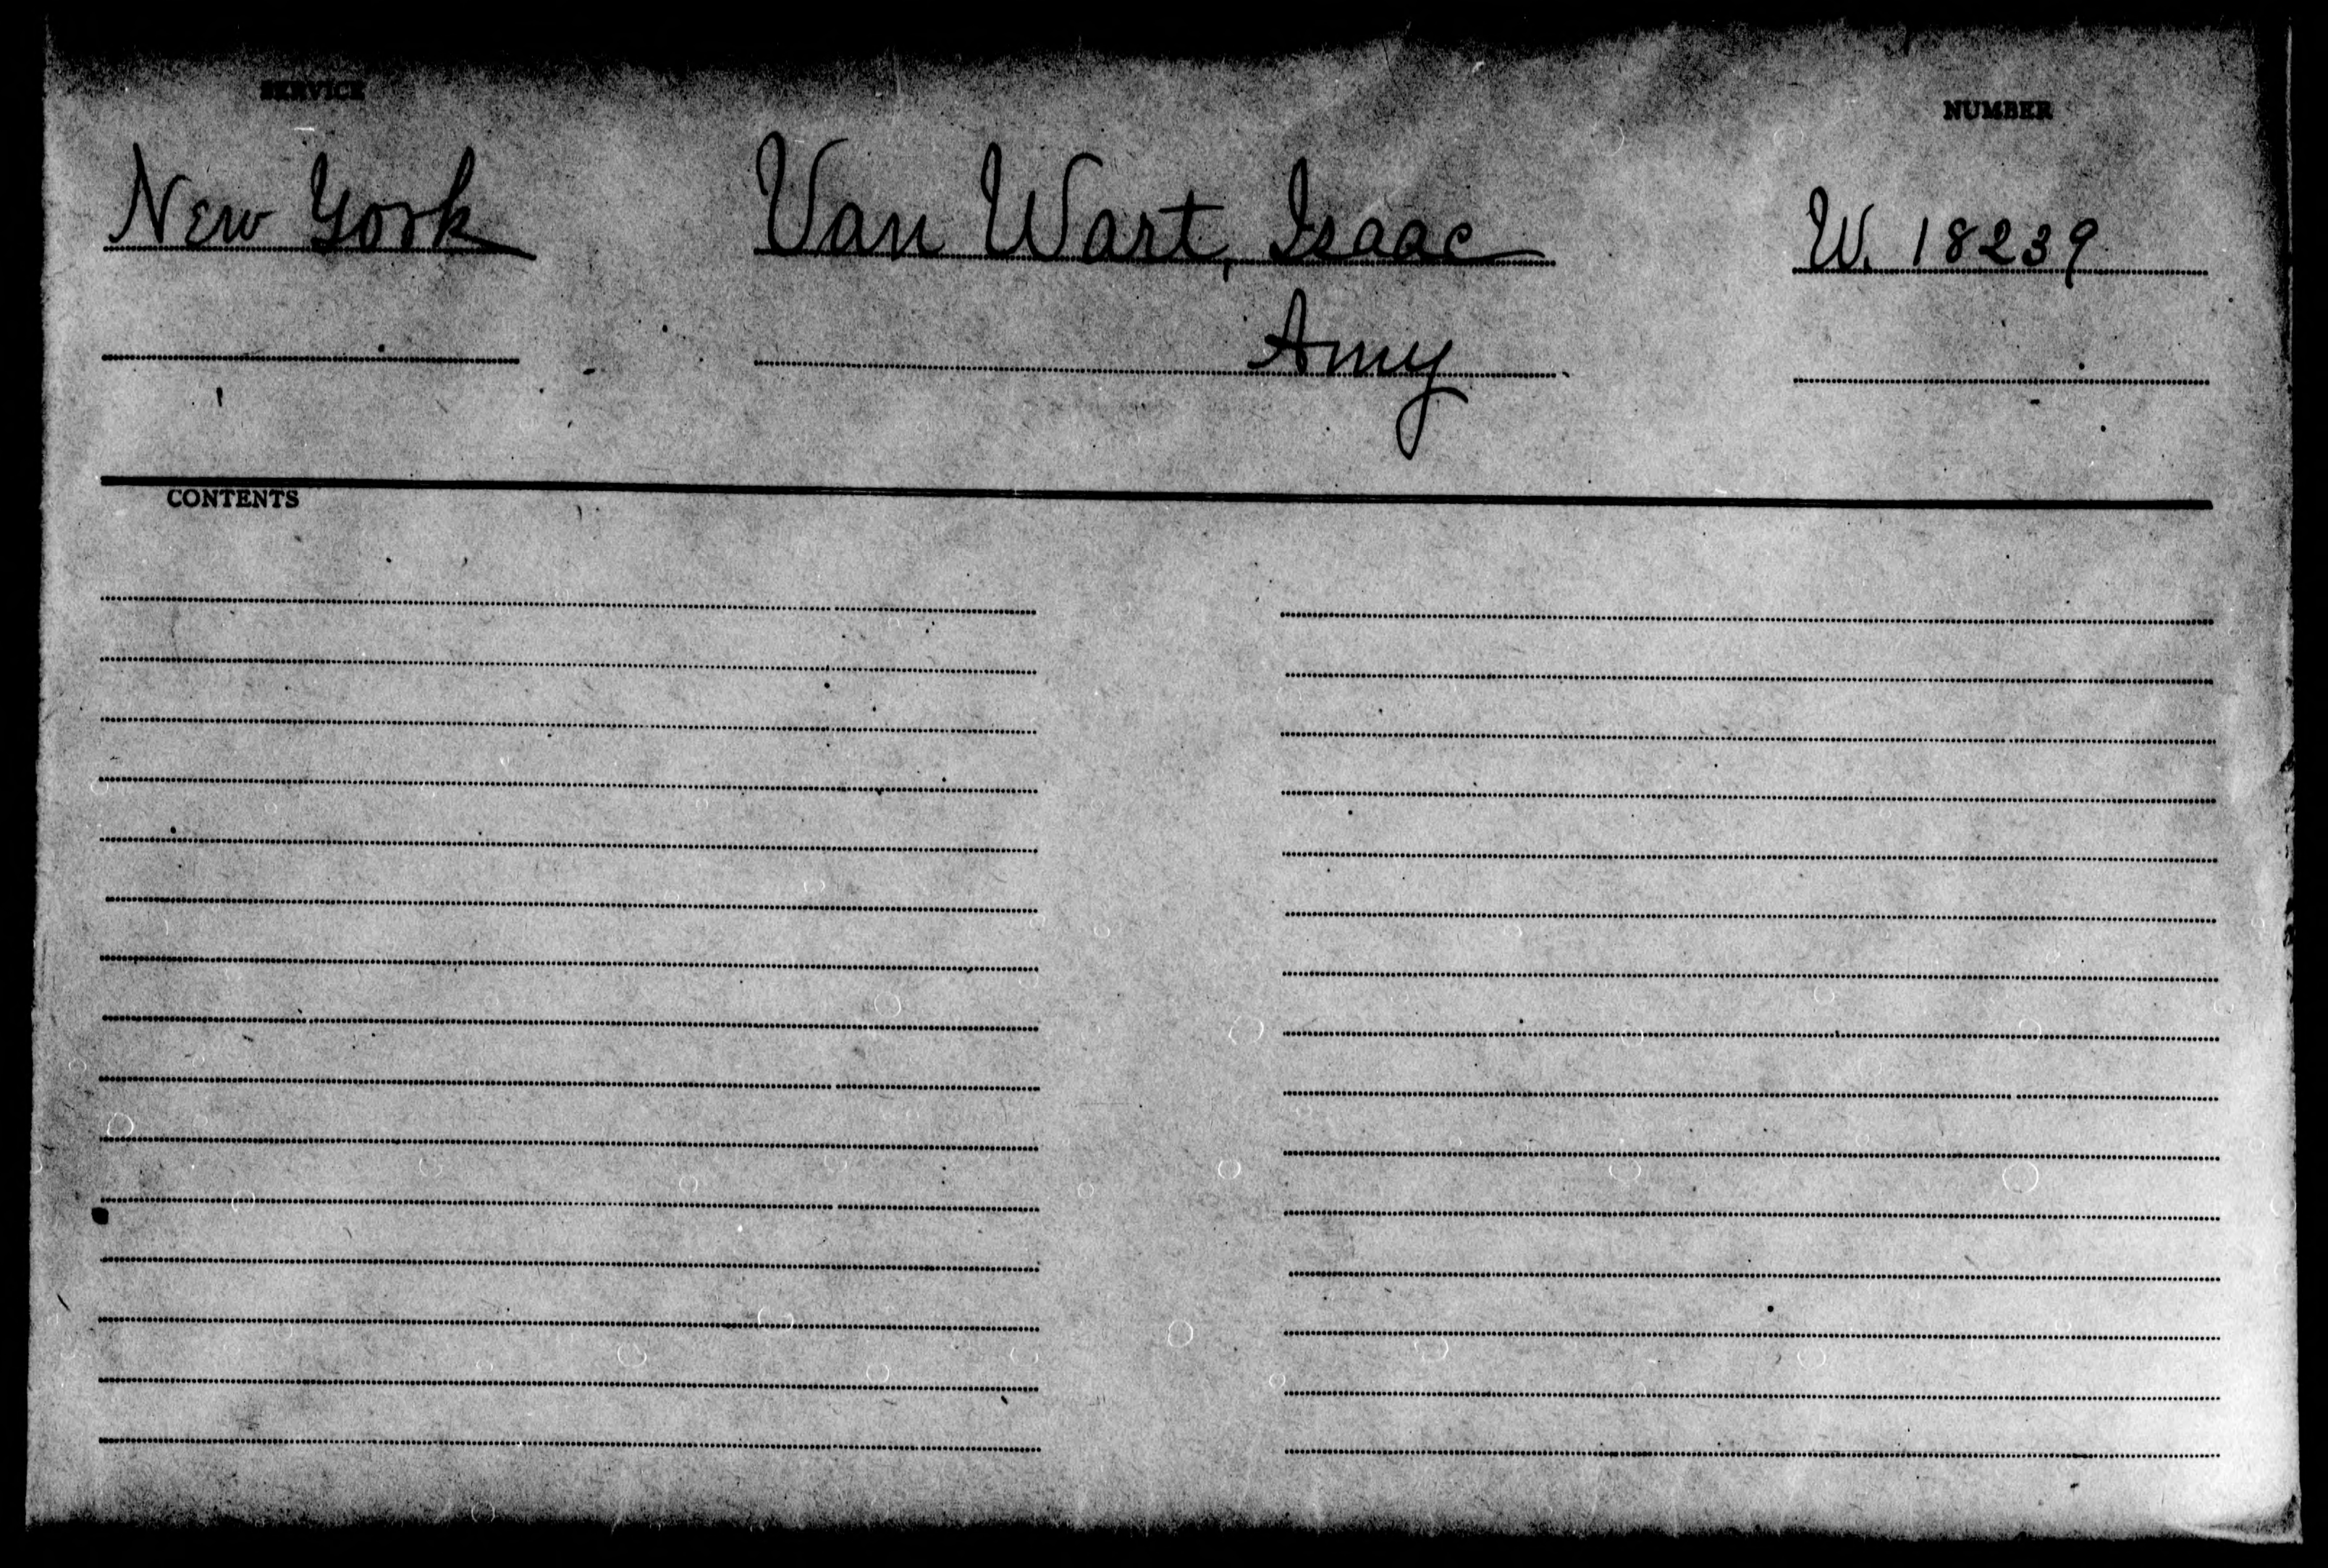SERVICE New York
Van Wart, Isaac
Amy
NUMBER W. 18239

CONTENTS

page: 1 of 102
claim: widow's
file: W. 18239, Isaac Van Wart, New York